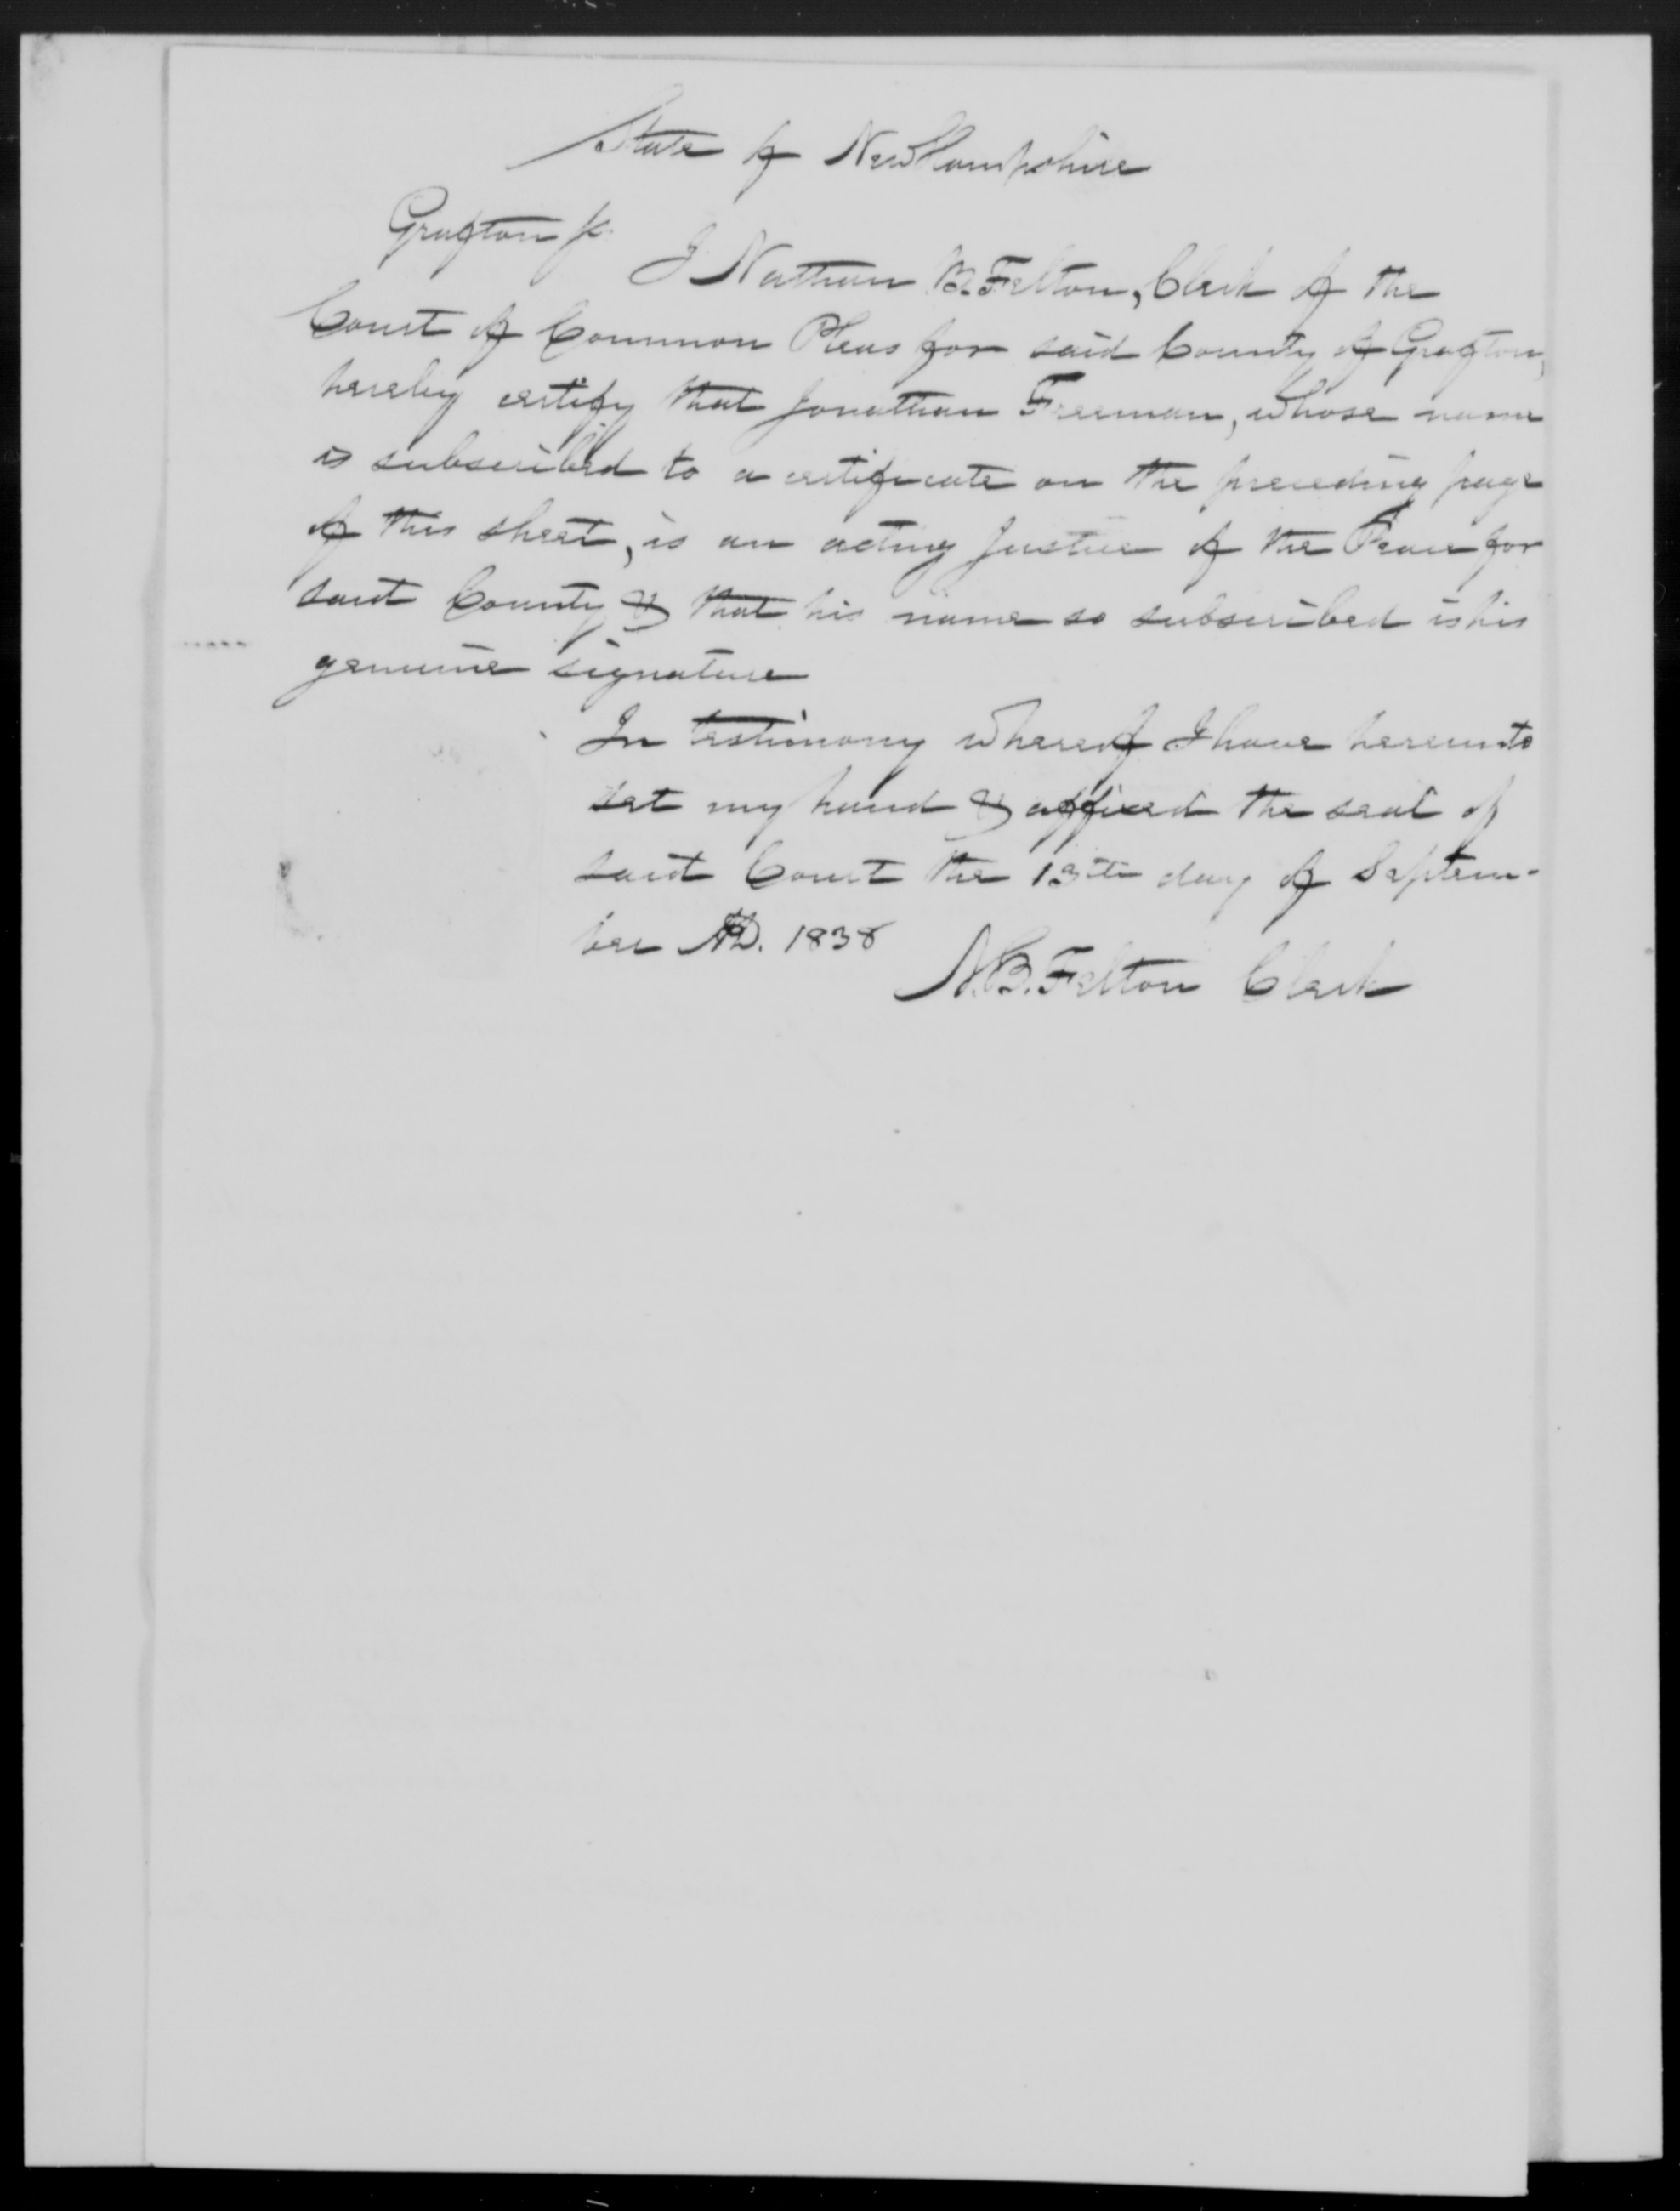State of New Hampshire
Grafton
Nathan B Felton, Clerk of the
Court of Common Pleas for said County of Grafton
hereby certify that Jonathan Freeman, whose name
is subscribed to a certificate on the preceding page
this sheet, is an acting Justice of the Peace for
said County & that his name so subscribed is his
genuine signature
In testimony whereof I have hereunto
set my hand & affixed the seal of
said Court the 13th day of September
AD. 1838
N. B. Felton Clerk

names: Jonathan Freeman, Nathan B Felton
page: 11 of 26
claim: widow's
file: W. 26,137, Elijah Wright, N.H.